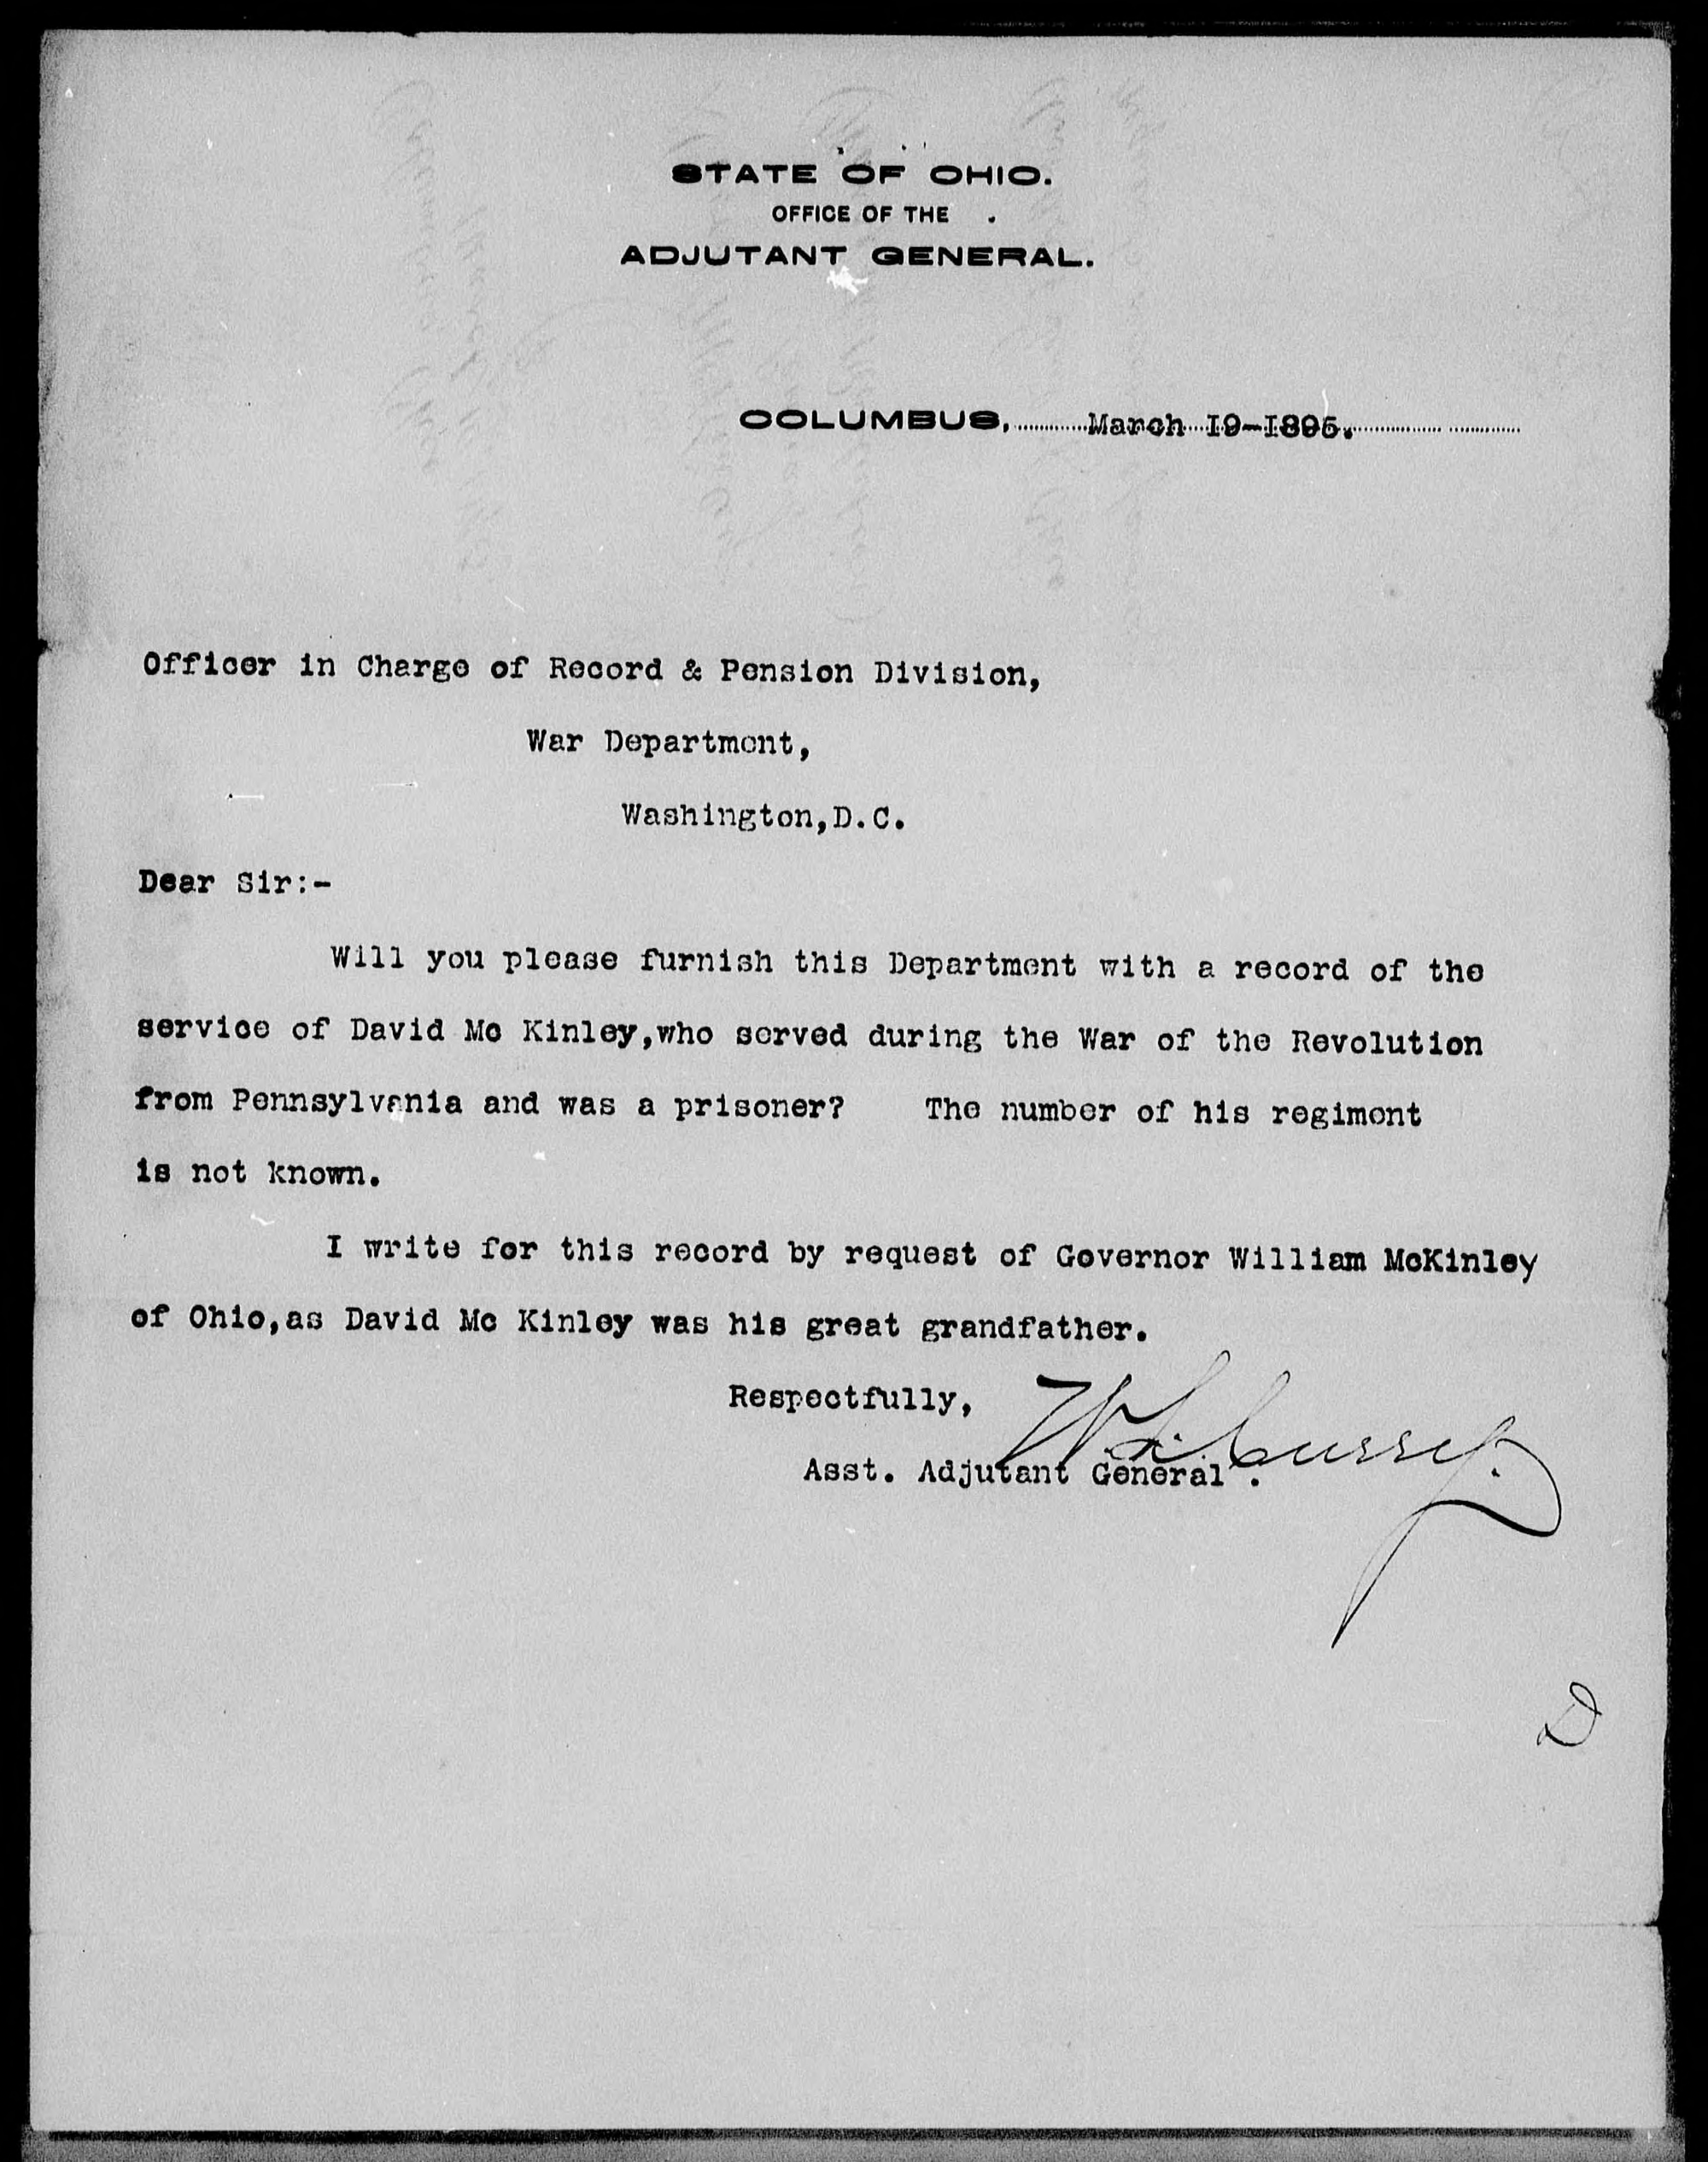[letterhead]
STATE OF OHIO.
OFFICE OF THE
ADJUTANT GENERAL

COLUMBUS, March 19 - 1895.

Officer in Charge of Record & Pension Division,
War Department,
Washington, D.C.

Dear Sir:-
Will you please furnish this Department with a record of the
service of David Mc Kinley, who served during the War of the Revolution
from Pennsylvania and was a prisoner? The number of his regimont
is not known.
I write for this record by request of Governor William McKinley
of Ohio, as David Mc Kinley was his great grandfather.

Respectfully,
W. L. Curry.
Asst. Adjutant General.

[initial] D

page: 31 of 39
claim: survivor's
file: S. 2812, for David Mc Kinley, Pennsylvania